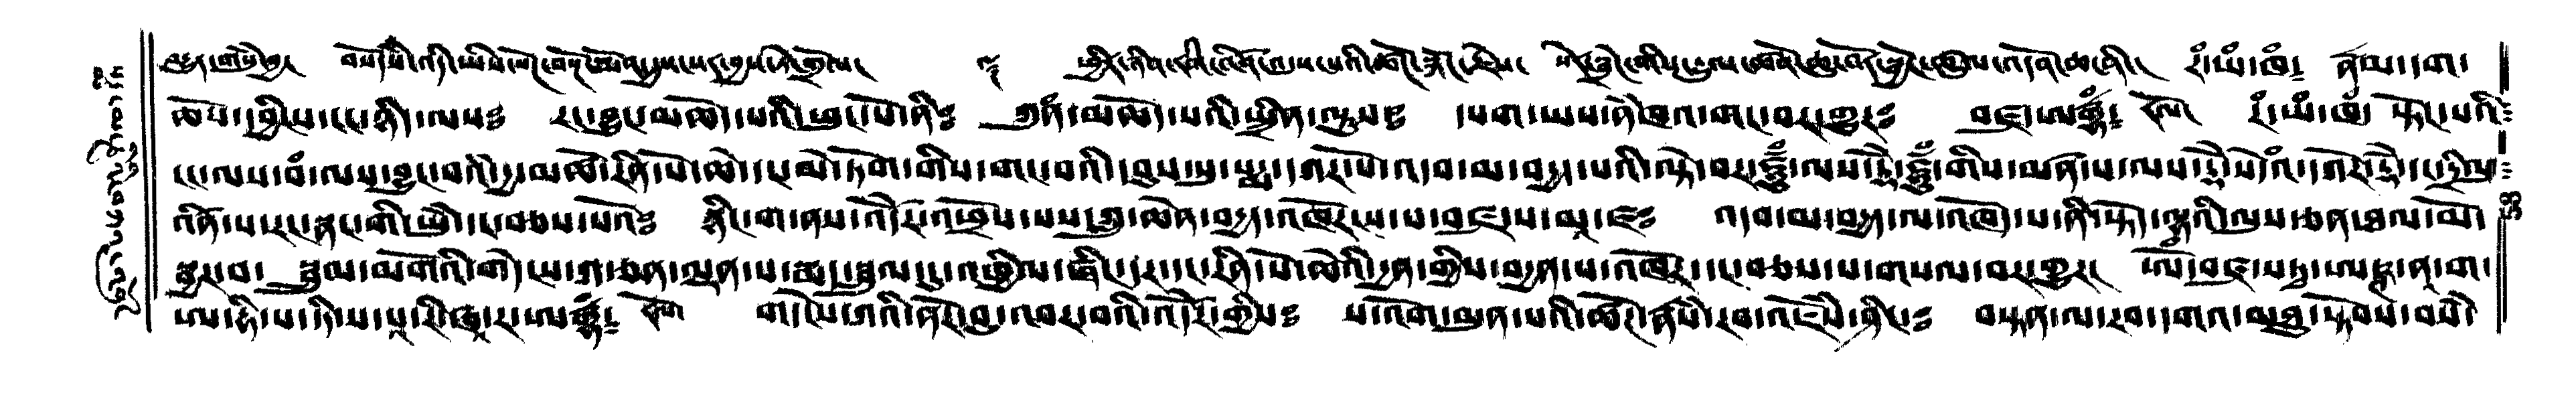བརྒྱུད་གསུམ་བྱ། བསོད་ནམས་འདི་ཡིས་སོགས་བསྔོ་སྨོན་རྒྱས་པར་བྱས་ཏེ་གྲོལ། ༈ ཕྱི་ཉིན་རིག་འཛིན་འདུས་པའི་ཚོགས་སྐོང་རྗེས། སེར་སྦྲེང་གིས་རྡུལ་ཚོན་ཆུ་བོར་སྦྱོང་ཚུལ་འདོན་ཆ་ནི། རཾ་ཡཾ་ཁཾ༔ རྣམ་དག་
ཆོས་དབྱིངས་ངང་ཉིད་ལས༔ རང་བྱུང་མཆོད་པའི་ཕུང་པོ་ནི༔ ཀུན་བཟང་མཆོད་པའི་སྤྲིན་ལྟ་བུས༔ དཔག་ཡས་ནམ་མཁའ་གང་བར་གྱུར༔ བཛྲ་ཨརྒྷཾ༴ རོལ། རཾ་་ཡཾ་ཁཾཿ སྟོང་པའི་
ངང་ལས་བཾ་ལས་བྱུང་བའི་རྒྱ་མཚོ་རིན་པོ་ཆེ་དང་མེ་ཏོག་གིས་གང་བའི་དབུས་སུ་པདྨ་དཀར་པོ་འདབ་མ་བརྒྱད་པའི་ལྟེ་བར་ཧཱུྃ་ལས་རྡོ་རྗེ་ཧཱུྃ་གིས་མཚན་པ་ལས་རྡོ་རྗེ་སེམས་དཔའ་དཀར་པོ་རྡོ་རྗེ་དང་དྲིལ་བུ་
འཛིན་པ་རང་སྣང་གི་ཡུམ་དང་བཅས་པའོ། སྙིང་ག་ནས་འོད་ཟེར་འཕྲོས་པས་ཀླུ་ཆེན་བརྒྱད་འཁོར་དང་བཅས་པ་བཛྲ་ས་མཱ་ཛཿ འདབ་མ་བརྒྱད་ལ་འཁོད་པ་ནི་སྟོད་ལྷའི་ལུས་ཅན་ཐལ་མོ་
སྦྱར་བ། སྦྲུལ་མགོའི་གདེངས་ཀ་ཅན་ལྡན་པ་སྨད་སྦྲུལ་དུ་འཁྱིལ་ཞིང་དར་དང་རིན་པོ་ཆེའི་རྒྱན་གྱིས་བརྒྱན་པ་འཁོར་དང་བཅས་པ་གསལ་བར་གྱུར།ཨོཾ་བཛྲ་སཏྭ་ཨཥྚ་ནཱ་ག་
ཨ་དྷི་པ་ཏི་ས་པཱ་རི་ཝཱ་ར་ཨརྒྷཾ༴ རོལ། གདེངས་ཀའི་ནོར་བུ་འབར་བའི་འོད་ཟེར་གྱིས། ས་འོག་མུན་པའི་ཚོགས་རྣམས་རབ་འཇོམས་ཤིངཿ བསྟན་ལ་རབ་དགའ་མཐུ་སྟོབས་བསམ་